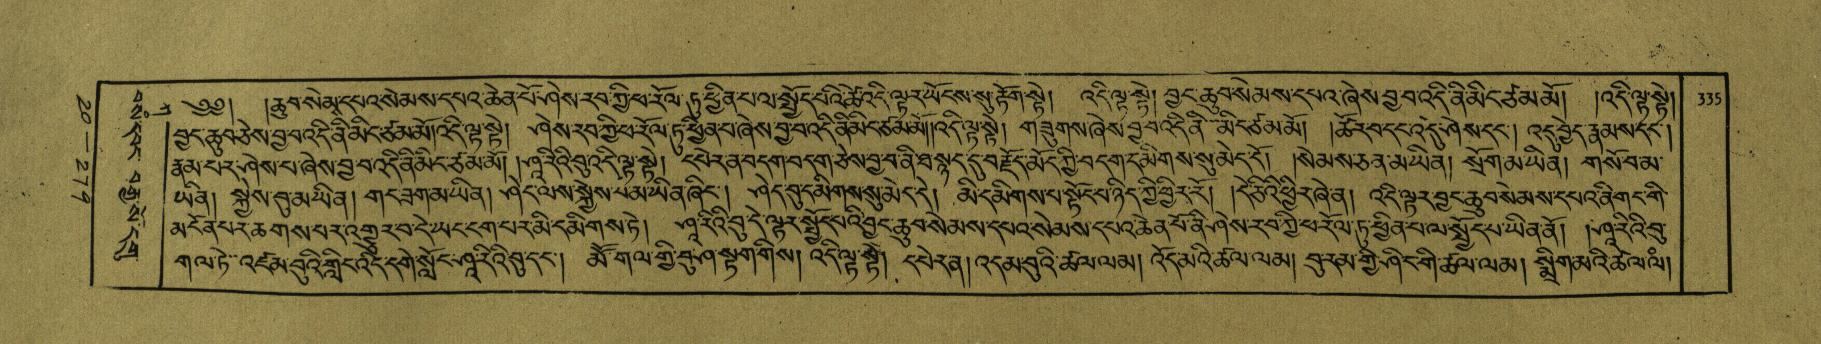༄༅། །ཆུབ་སེམས་དཔའ་སེམས་དཔའ་ཆེན་པོ་ཤེས་རབ་ཀྱི་ཕ་རོལ་ཏུ་ཕྱིན་པ་ལ་སྤྱོད་པའི་ཚེ་འདི་ལྟར་ཡོངས་སུ་རྟོག་སྟེ། འདི་ལྟ་སྟེ། བྱང་ཆུབ་སེམས་དཔའ་ཞེས་བྱ་བ་འདི་ནི་མིང་ཙམ་མོ། །འདི་ལྟ་སྟེ།
བྱང་ཆུབ་ཅེས་བྱ་བ་འདི་ནི་མིང་ཙམ་མོ། འདི་ལྟ་སྟེ། ཤེས་རབ་ཀྱི་ཕ་རོལ་ཏུ་ཕྱིན་པ་ཞེས་བྱ་བ་འདི་ནི་མིང་ཙམ་མོ། །འདི་ལྟ་སྟེ། གཟུགས་ཞེས་བྱ་བ་འདི་ནི་མིང་ཙམ་མོ། །ཚོར་བ་དང་འདུ་ཤེས་དང་། འདུ་བྱེད་རྣམས་དང་།
རྣམ་པར་ཤེས་པ་ཞེས་བྱ་བ་འདི་ནི་མིང་ཙམ་མོ། །ཤཱ་རིའི་བུ་འདི་ལྟ་སྟེ། དཔེར་ན་བདག་བདག་ཅེས་བྱ་བ་ནི་ཐ་སྙད་དུ་བརྗོད་མོད་ཀྱི་བདག་དམིགས་སུ་མེད་དོ། །སེམས་ཅན་མ་ཡིན། སྲོག་མ་ཡིན། གསོ་བ་མ་
ཡིན། སྐྱེས་བུ་མ་ཡིན། གང་ཟག་མ་ཡིན། ཤེད་ལས་སྐྱེས་པ་མ་ཡིན་ཞིང་། ཤེད་བུ་དམིགས་སུ་མེད་དེ། མི་དམིགས་པ་སྟོང་པ་ཉིད་ཀྱི་ཕྱིར་རོ། །དེ་ཅིའི་ཕྱིར་ཞེ་ན། འདི་ལྟར་བྱང་ཆུབ་སེམས་དཔའ་ནི་གང་གི་
མངོན་པར་ཆགས་པར་འགྱུར་བ་དེ་ཡང་ངག་པར་མི་དམིགས་ཏེ། ཤཱ་རིའི་བུ་དེ་ལྟར་སྤྱོད་པའི་བྱང་ཆུབ་སེམས་དཔའ་སེམས་དཔའ་ཆེན་པོ་ནི་ཤེས་རབ་ཀྱི་ཕ་རོལ་ཏུ་ཕྱིན་པ་ལ་སྤྱོད་པ་ཡིན་ནོ། །ཤཱ་རིའི་བུ་
གལ་ཏེ་འཛམ་བུའི་གླིང་འདི་དགེ་སློང་ཤཱ་རིའི་བུ་དང་། མཽ་གལ་གྱི་བུ་ཤ་སྟག་གིས། འདི་ལྟ་སྟེ། དཔེར་ན། འདམ་བུའི་ཚལ་ལམ། འོད་མའི་ཚལ་ལམ། བུ་རམ་གྱི་ཤིང་གི་ཚལ་ལམ། སྨྲིག་མའི་ཚལ་ལཾ།